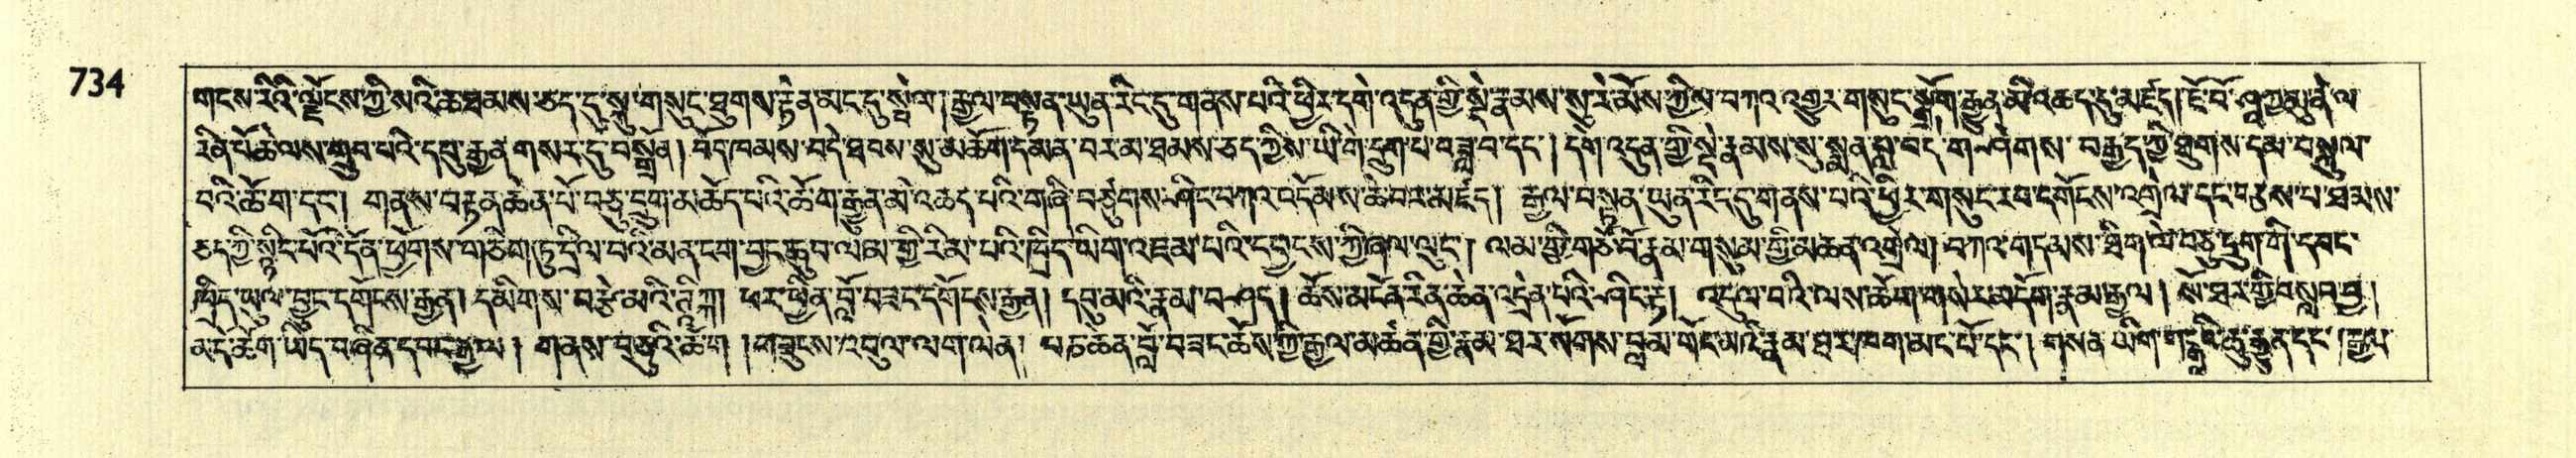གངས་རིའི་ལྗོངས་ཀྱི་སའི་ཆ་ཐམས་ཅད་དུ་སྐུ་གསུང་ཐུགས་རྟེན་མང་དུ་སྤེལ། རྒྱལ་བསྟན་ཡུན་རིང་དུ་གནས་པའི་ཕྱིར་དགེ་འདུན་གྱི་སྡེ་རྣམས་སུ་རེ་མོས་ཀྱིས་བཀའ་འགྱུར་གསུང་སྒྲོག་རྒྱུན་མི་འཆད་དུ་མཛད། ཇོ་བོ་ཤཱཀྱ་མུ་ནེ་ལ་
རིན་པོ་ཆེ་ལས་གྲུབ་པའི་དབུ་རྒྱན་གསར་དུ་བསྒྲོན། བོད་ཁམས་བདེ་ཐབས་སུ་མཆོག་དམན་བར་མ་ཐམས་ཅད་ཀྱིས་ཡི་གེ་དྲུག་པ་བཟླ་བ་དང་། དགེ་འདུན་གྱི་སྡེ་རྣམས་སུ་སྨན་བལ་བདེ་གཤེགས་བརྒྱད་ཀྱི་ཐུགས་དམ་བསྐུལ་
བའི་ཆོ་ག་དང་། གནས་བརྟན་ཆེན་པོ་བཅུ་དྲུག་མཆོད་པའི་ཆོ་ག་རྒྱུན་མེ་འཆད་པའི་གཞི་བཙུགས་ཤིང་བཀའ་འདོམས་ཆེ་བར་མཛད། རྒྱལ་བསྟན་ཡུན་རིང་དུ་གནས་པའི་ཕྱིར་གསུང་རབ་དགོངས་འགྲེལ་དང་བཅས་པ་ཐམས་
ཅད་ཀྱི་སྙིང་པོའི་དོན་ཕྱོགས་གཅིག་ཏུ་དྲིལ་བའི་མན་གནག་བྱང་ཆུབ་ལམ་གྱི་རིམ་པའི་ཁྲིད་ཡིག་འཇམ་པའི་དབྱངས་ཀྱི་ཞལ་ལུང་། ལམ་གྱི་གཙོ་བོ་རྣམ་གསུམ་གྱི་མཆན་འགྲེལ། བཀའ་གདམས་ཐིག་ལེ་བཅུ་དྲུག་གི་དབང་
ཁྲིད་ཡུལ་བྱུང་དགོངས་རྒྱན། དམིགས་བརྩེ་མའི་ཊཱིཀྐ། ཕར་ཕྱིན་བློ་བཟང་དགོངས་རྒྱན། དབུ་མའི་རྣམ་བཤད། ཆོས་མངོན་རིན་ཆེན་འདྲེན་པའི་ཤིང་རྟ། འདུལ་བའི་ལས་ཆོག་གསེར་མདོག་རྣམ་རྒྱལ། སོ་ཐར་གྱི་བསླབ་བྱ།
མདོ་ཆོག་ཡིད་བཞིན་དབང་རྒྱལ། གནས་བཅུའི་ཆོ་ག །གཟུངས་འབུལ་ལག་ལེན། པཎ་ཆེན་བློ་བཟང་ཆོས་ཀྱི་རྒྱལ་མཚན་གྱི་རྣམ་ཐར་སོགས་བླ་མ་གོང་མའི་རྣམ་ཐར་ཁག་མང་པོ་དང་། གསན་ཡིག་གངྒཱའི་ཆུ་རྒྱུན་དང་།རྒྱལ་